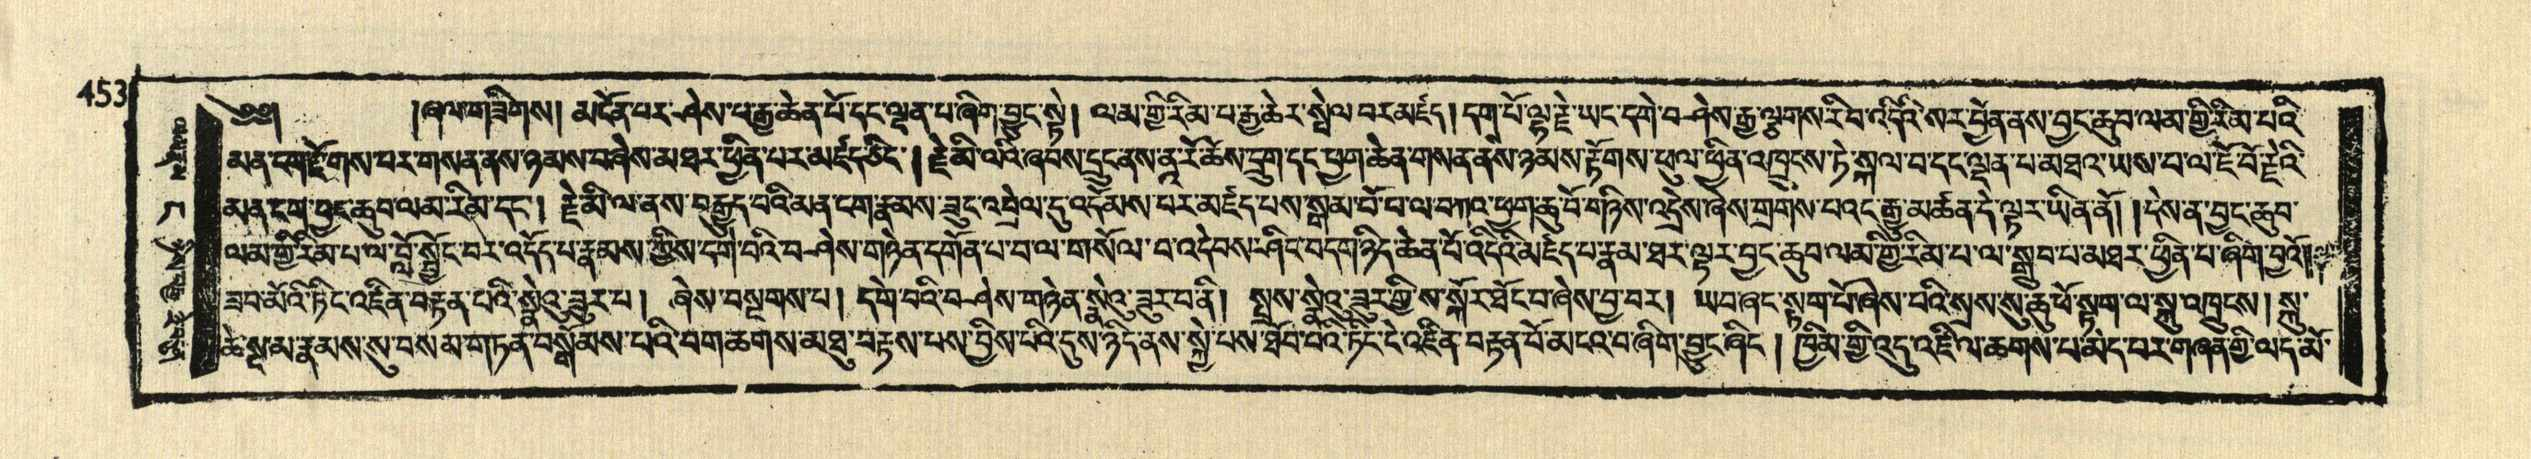༄༅། །ཞལ་གཟིགས། མངོན་པར་ཤེས་པ་རྒྱ་ཆེན་པོ་དང་ལྡན་པ་ཞིག་བྱུང་སྟེ། ལམ་གྱི་རིམ་པ་རྒྱ་ཆེར་སྤེལ་བར་མཛད། དགས་པོ་ལྷ་རྗེ་ཡང་དགེ་བཤེས་རྒྱ་ལྕགས་རི་བ་འདིའི་སར་བྱོན་ནས་བྱང་ཆུབ་ལམ་གྱི་རིམ་པའི་
མན་ངག་རྫོགས་པར་གསན་ནས་ཉམས་བཞེས་མཐར་ཕྱིན་པར་མཛད་ཅིང་། རྗེ་མི་ལའི་ཞབས་དྲུང་ནས་ནཱ་རོ་ཆོས་དྲུག་དང་ཕྱག་ཆེན་གསན་ནས་ཉམས་རྟོགས་ཕུལ་ཕྱིན་འཁྲུངས་ཏེ་སྐལ་བ་དང་ལྡན་པ་མཐའ་ཡས་པ་ལ་ཇོ་བོ་རྗེའི་
མན་ངག་བྱང་ཆུབ་ལམ་རིམ་དང་། རྗེ་མི་ལ་ནས་བརྒྱུད་པའི་མན་ངག་རྣམས་ཟུང་འབྲེལ་དུ་འདོམས་པར་མཛད་པས་སྒམ་པོ་པ་ལ་བཀའ་ཕྱག་ཆུ་བོ་གཉིས་འདྲེས་ཞེས་གྲགས་པའང་རྒྱུ་མཚན་དེ་ལྟར་ཡིན་ནོ། །དེས་ན་བྱང་ཆུབ་
ལམ་གྱི་རིམ་པ་ལ་བློ་སྦྱོང་བར་འདོད་པ་རྣམས་ཀྱིས་དགེ་བའི་བཤེས་གཉེན་དགོན་པ་བ་ལ་གསོལ་བ་འདེབས་ཤིང་བདག་ཉིད་ཆེན་པོ་འདིའི་མཛད་པ་རྣམ་ཐར་ལྟར་བྱང་ཆུབ་ལམ་གྱི་རིམ་པ་ལ་སྒྲུབ་པ་མཐར་ཕྱིན་པ་ཞིག་བྱའོ།། ༈
ཟབ་མོའི་ཏིང་འཛིན་བརྟན་པའི་སྣེའུ་ཟུར་པ། ཞེས་བསྔགས་པ། དགེ་བའི་བཤེས་གཉེན་སྣེའུ་ཟུར་པ་ནི། སྤྲས་སྣེའུ་ཟུར་གྱི་ས་སྐོར་ཐོང་བ་ཞེས་བྱ་བར། ཡབ་ཞང་སྟག་པོ་ཞེས་པའི་སྲས་སུ་ཆུ་ཕོ་སྟག་ལ་སྐུ་འཁྲུངས། སྐུ་
ཆེ་སྔ་མ་རྣམས་སུ་བསམ་གཏན་བསྒོམས་པའི་བག་ཆགས་མཐུ་བརྟས་པས་བྱིས་པའི་དུས་ཉིད་ནས་སྐྱེ་པས་ཐོབ་པའི་ཏིང་ངེ་འཛིན་བརྟན་པོ་མངའ་བ་ཞིག་བྱུང་ཞིང་། ཁྱིམ་གྱི་འདུ་འཛིལ་ཆགས་པ་མེད་པར་གཞན་གྱི་ལད་མོ་